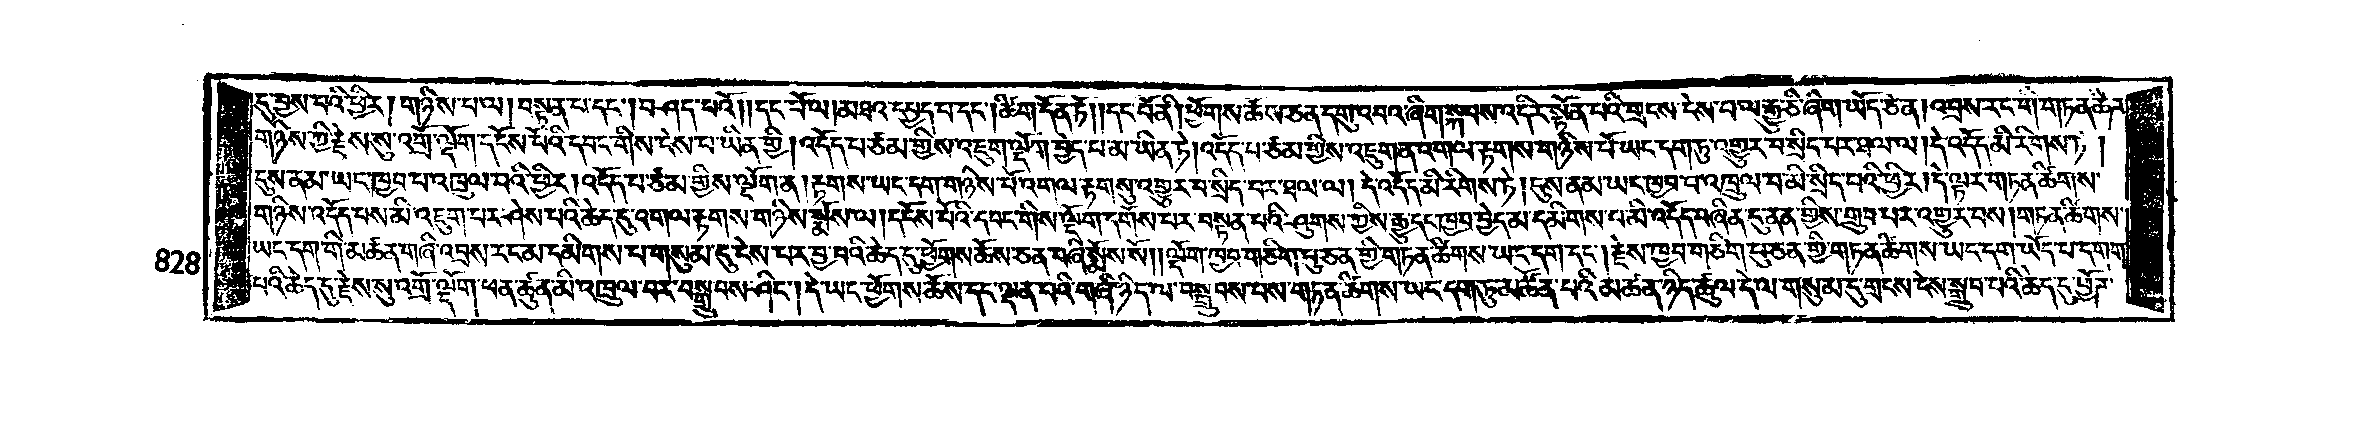དུ་བྱས་པའི་ཕྱིར། གཉིས་པ་ལ། བསྟན་པ་དང་། བཤད་པའོ། །དང་པོ་ལ། མཐའ་དཔྱད་པ་དང་། ཚིག་དོན་ཏོ། །དང་པོ་ནི། ཕྱོགས་ཆོས་ཅན་དགུ་འབའ་ཞིག་སྐབས་འདིར་སྟོན་པའི་གྲངས་ངེས་པ་ལ་རྒྱུ་ཅི་ཞིག་ཡོད་ཅེ་ན། འབྲས་རང་གི་གཏན་ཚིགས་
གཉིས་ཀྱི་རྗེས་སུ་འགྲོ་ལྡོག་དངོས་པོའི་དབང་གིས་ངེས་པ་ཡིན་གྱི། འདོད་པ་ཙམ་གྱིས་འཇུག་ལྡོག་བྱེད་པ་མ་ཡིན་ཏེ། འདོད་པ་ཙམ་གྱིས་འཇུག་ན་འགལ་རྟགས་གཉིས་པོ་ཡང་དག་ཏུ་འགྱུར་བ་སྲིད་པར་ཐལ་ལ། དེ་འདོད་མི་རིགས་ཏེ།
དུས་ནམ་ཡང་ཁྱབ་པ་འཁྲུལ་པའི་ཕྱིར། འདོད་པ་ཙམ་གྱིས་ལྡོག་ན། རྟགས་ཡང་དག་གཉིས་པོ་འགལ་རྟགས་སུ་འགྱུར་བ་སྲིད་པར་ཐལ་ལ། དེ་འདོད་མི་རིགས་ཏེ། དུས་ནམ་ཡང་ཁྱབ་པ་འཁྲུལ་བ་མི་སྲིད་པའི་ཕྱིར། དེ་ལྟར་གཏན་ཚིགས་
གཉིས་འདོད་པས་མི་འཇུག་པར་ཤེས་པའི་ཆེད་དུ་འགལ་རྟགས་གཉིས་སྨོས་ལ། དངོས་པོའི་དབང་གིས་ལྡོག་དགོས་པར་བསྟན་པའི་ཤུགས་ཀྱིས་རྒྱུ་དང་ཁྱབ་བྱེད་མ་དམིགས་པ་མི་འདོད་བཞིན་དུ་ནན་གྱིས་གྲུབ་པར་འགྱུར་བས། གཏན་ཚིགས་
ཡང་དག་གི་མཚན་གཞི་འབྲས་རང་མ་དམིགས་པ་གསུམ་དུ་ངེས་པར་བྱ་བའི་ཆེད་དུ་ཕྱོགས་ཆོས་ཅན་བཞི་སྨོས་སོ། །ལྡོག་ཁྱབ་གཅིག་པུ་ཅན་གྱི་གཏན་ཚིགས་ཡང་དག་དང་། རྗེས་ཁྱབ་གཅིག་པུ་ཅན་གྱི་གཏན་ཚིགས་ཡང་དག་ཡོད་པ་དགག་
པའི་ཆེད་དུ་རྗེས་སུ་འགྲོ་ལྡོག་ཕན་ཚུན་མི་འཁྲུལ་བར་བསྒྲུབས་ཤིང་། དེ་ཡང་ཕྱོགས་ཆོས་དང་ལྡན་པའི་གཞི་ཉིད་ལ་བསྒྲུབས་པས་གཏན་ཚིགས་ཡང་དག་ཏུ་མཚོན་པའི་མཚན་ཉིད་ཚུལ་དེ་ལ་གསུམ་དུ་གྲངས་ངེས་སྒྲུབ་པའི་ཆེད་དུ་ཕྱོགས་